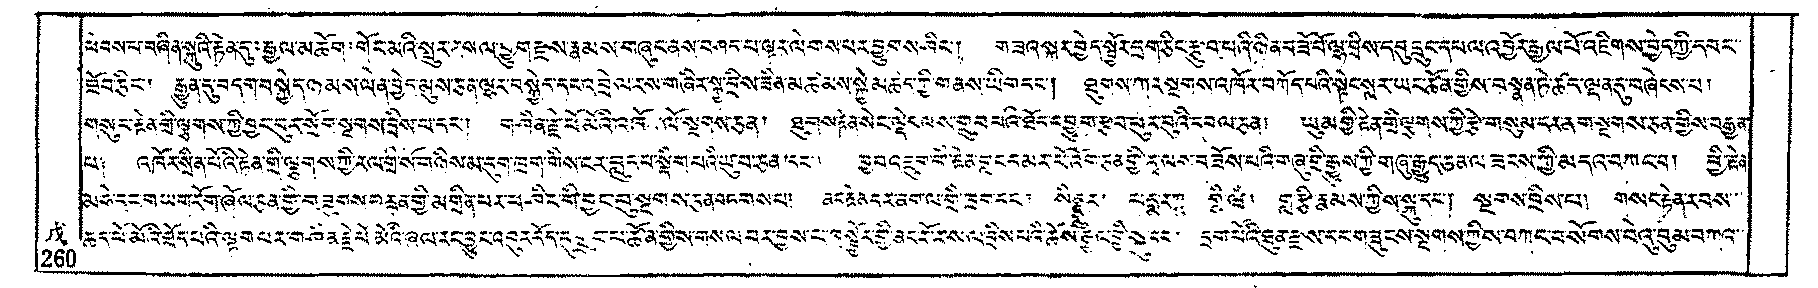ཕེབས་པ་བཞིན་སྐུའི་རྟེན་དུ་༧རྒྱལ་མཆོག་༧གོང་མའི་སྤུར་རས་ལ་ཕྱུག་རྫས་རམས་གཞུང་ནས་བཤད་པ་ལྟར་ལེགས་པར་བྱུགས་ཤིང་། གཟའ་སྐར་བྱེད་སྦྱོར་དྲག་ཅིང་རྩུབ་པའི་ཉིན་བཟོ་བོ་ལྷ་བ་